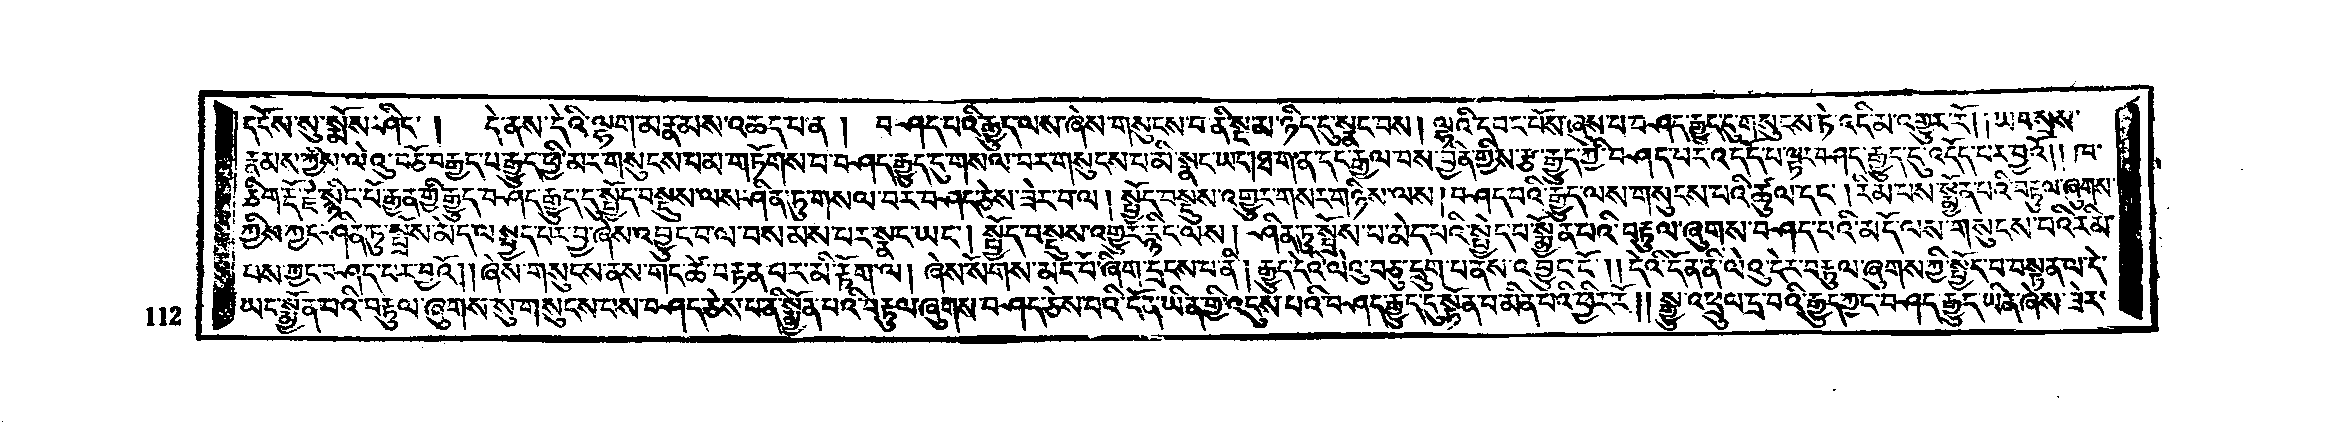དངོས་སུ་སྨོས་ཤིང་། དེ་ནས་དེའི་ལྷག་མ་རྣམས་འཆད་པ་ན། བཤད་པའི་རྒྱུད་ལས་ཞེས་གསུངས་པ་ནི་སྔ་མ་ཉིད་དུ་སྣང་བས། ལྷའི་དབང་པོས་ཞུས་པ་བཤད་རྒྱུད་དུ་གསུངས་ཏེ་འདི་མ་འགྱུར་རོ། །ཡབ་སྲས་
རྣམས་ཀྱིས་ལེའུ་བཅོ་བརྒྱད་པ་རྒྱུད་ཕྱི་མར་གསུངས་པ་མ་གཏོགས་པ་བཤད་རྒྱུད་དུ་གསལ་བར་གསུངས་པ་མི་སྣང་ཡང་། ཐ་ག་ན་དང་རྒྱལ་བས་བྱིན་གྱིས་རྩ་རྒྱུད་ཀྱི་བཤད་པར་འདོད་པ་ལྟར་བཤད་རྒྱུད་དུ་འདོད་པར་བྱའོ། །ཁ་
ཅིག་རྡོ་རྗེ་སྙིང་པོ་རྒྱན་གྱི་རྒྱུད་བཤད་རྒྱུད་དུ་སྤྱོད་བསྡུས་ལས་ཤིན་ཏུ་གསལ་བར་བཤད་ཅེས་ཟེར་བ་ལ། སྤྱོད་བསྡུས་འགྱུར་གསར་གཉིས་ལས། བཤད་པའི་རྒྱུད་ལས་གསུངས་པའི་ཚུལ་དང་། རིམ་པས་སྨྱོན་པའི་བརྟུལ་ཞུགས་
ཀྱིས་ཀྱང་ཤིན་ཏུ་སྤྲོས་མེད་ལ་སྦྱང་པར་བྱ་ཞེས་འབྱུང་བ་ལ་བསམས་པར་སྣང་ཡང་། སྤྱོད་བསྡུས་འགྱུར་རྙིང་ལས། ཤིན་ཏུ་སྤྲོས་པ་མེད་པའི་སྤྱོད་པ་སྨྱོན་པའི་བརྟུལ་ཞུགས་བཤད་པའི་མདོ་ལས་གསུངས་པའི་རིམ་
པས་ཀྱང་བཤད་པར་བྱའོ། །ཞེས་གསུངས་ནས་གང་ཚེ་བརྟན་པར་མི་རྟོག་ལ། ཞེས་སོགས་མང་པོ་ཞིག་དྲངས་པ་ནི། རྒྱུད་དེའི་ལེའུ་བཅུ་དྲུག་པ་ནས་འབྱུང་ངོ། །དེའི་དོན་ནི་ལེའུ་དེར་བརྟུལ་ཞུགས་ཀྱི་སྤྱོད་པ་བསྟན་ལ་དེ་
ཡང་སྨྱོན་པའི་བརྟུལ་ཞུགས་སུ་གསུངས་པས་བཤད་ཅེས་པ་ནི་སྨྱོན་པའི་བརྟུལ་ཞུགས་བཤད་ཅེས་པའི་དོན་ཡིན་གྱི་འདུས་པའི་བཤད་རྒྱུད་དུ་སྟོན་པ་མིན་པའི་ཕྱིར་རོ། །སྒྱུ་འཕྲུལ་དྲ་བའི་རྒྱུད་ཀྱང་བཤད་རྒྱུད་ཡིན་ཞེས་ཟེར་